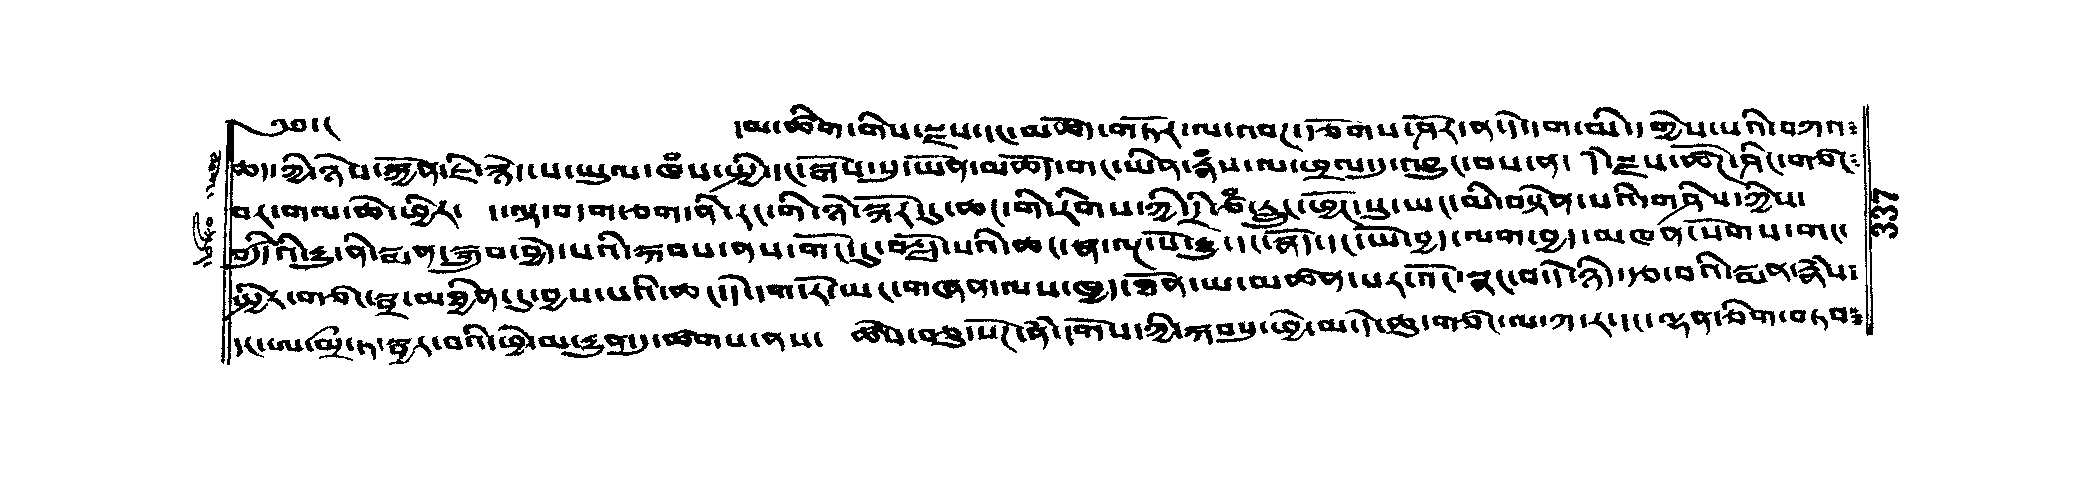དམ་ཚིག་གི་རྫས་དང་མཆོད་གཏོར་ལ་འབགས་གཙོག་ཤོར་ན་དེ་དག་མི་འགྱེས་པའི་བཀའ་
ཆད་ཀྱི་ཉེས་སྐྱོན་ཇི་རྙེད་པ་ཡུལ་ཁམས་སྤྱི་དང་སྒོས་སུ་ཡོན་མཆོད་གང་ཡིན་རྣམས་ལ་འཕྲལ་དུ་འབྱུང་བས་ན། དམ་རྫས་ཚོགས་ཤིང་གཙང་
བར་གལ་ཆེ་ཕྱིར། ད་ལྟ་བདག་ཅག་ནི་རང་གི་ཉེ་སྐོར་དུ་ཆང་གི་རིགས་ཀྱི་དྲི་ཙམ་རླུང་་ཕྱོགས་སུ་ཡང་མི་བསྟེན་པའི་གཤིས་ཀྱིས། 
བདུད་རྩིའི་རྒྱུ་ནི་སྨན་སྒྲུབ་བྱེད་པའི་སྐབས་ནས་གོང་དུ་བརྗོད་པའི་ཆང་སྣ་ལྔ་པོ་རྒྱུ་དང་སྣད་དང་ཡོ་བྱད་ལག་བྱད་མཁན་སོགས་གང་
སྤྱིར་གཙང་སྦྲ་མཐུན་དྲིལ་དུ་བྱས་པའི་ཆང་དེ་དག་རོ་ཡང་གཞན་ལས་ཁྱད་ཐོན་ཡ་མཚན་པར་འོང་སྣང་བ་དེ་ཉིད་རྩ་བའི་སྨན་རྣམས་
དང་ཨ་མྲྀ་ཏ་སྦྱར་བའི་ཕྱེ་མ་རྒྱུན་དུ་ཚགས་ནས། ཚེས་བཅུ་སོགས་ནམ་དགོས་ཀྱི་སྐབས་སུ་ཕྱེ་མ་སེ་ཆུ་གཙང་ལ་་ཀ་ར་དང་ལྷན་ཅིག་བཏབ་